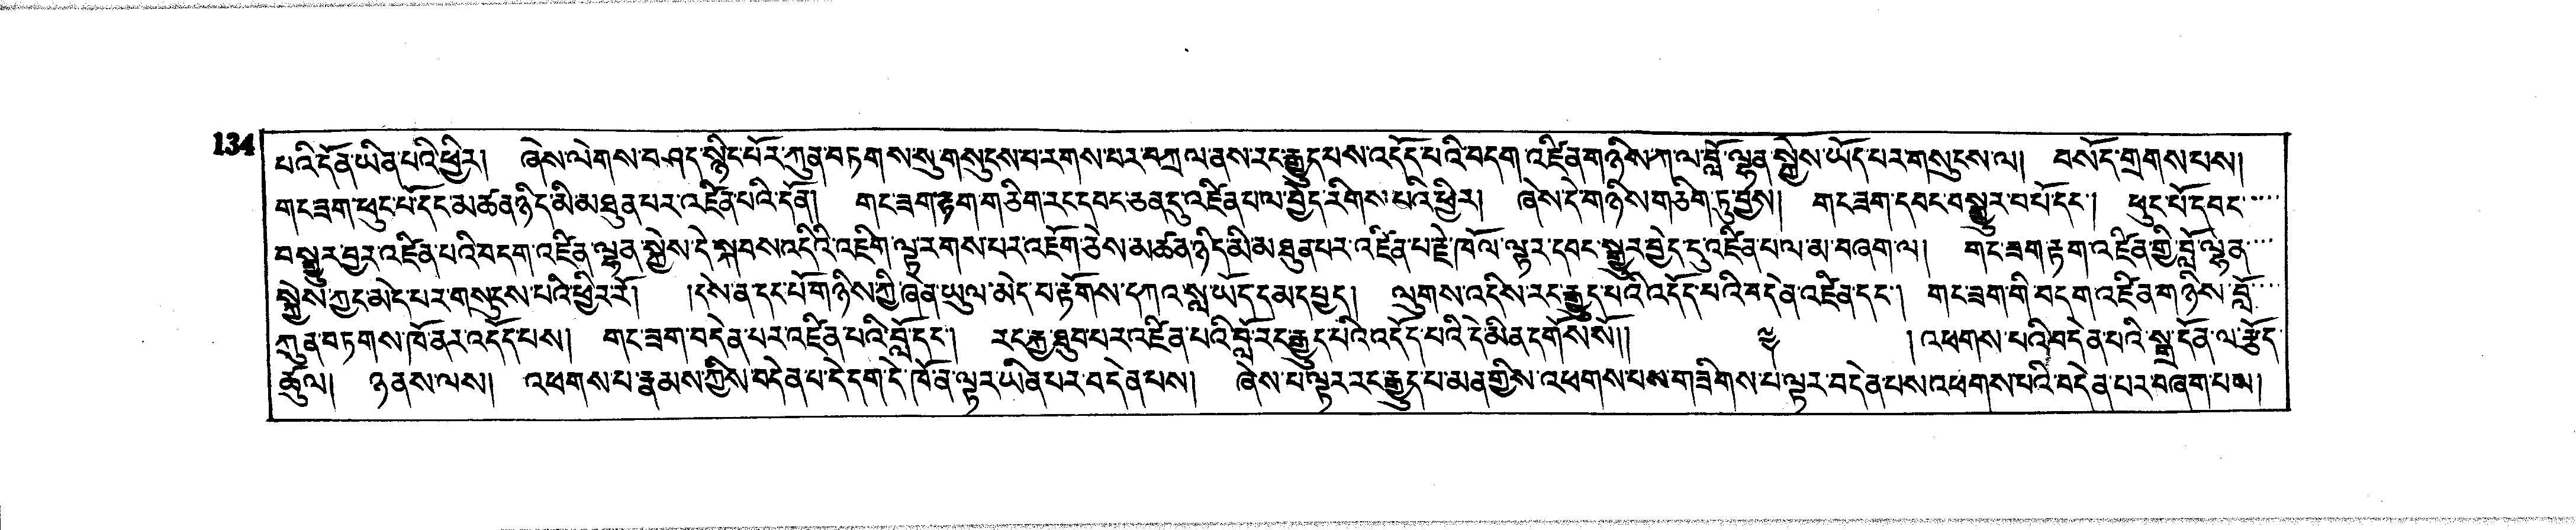པའི་དོན་ཡིན་པའི་ཕྱིར། ཞེས་ལེགས་བཤད་སྙིང་པོར་ཀུན་བཏགས་སུ་གསུངས་པ་རགས་པར་བཀྲལ་ནས་རང་རྒྱུད་པས་འདོད་པའི་བདག་འཛིན་གཉིས་ཀ་ལ་བློ་ལྷན་སྐྱེས་ཡོད་པར་གསུངས་ལ། བསོད་གྲགས་པས།
གང་ཟག་ཕུང་པོ་དང་མཚན་ཉིད་མི་མཐུན་པར་འཛིན་པའི་དོན། གང་ཟག་རྟག་གཅིག་རང་དབང་ཅན་དུ་འཛིན་པ་ལ་བྱེད་རིགས་པའི་ཕྱིར། ཞེས་དེ་གཉིས་གཅིག་ཏུ་བྱས། གང་ཟག་དབང་བསྒྱུར་བ་པོ་དང་། ཕུང་པོ་དབང་
བསྒྱུར་བྱར་འཛིན་པའི་བདག་འཛིན་ལྷན་སྐྱེས་དེ་སྐབས་འདིའི་འཇིག་ལྟ་རགས་པར་འཇོག་ཅེས་མཚན་ཉིད་མི་མཐུན་པར་འཛིན་པ་རྗེ་ཁོ་ལ་ལྟར་དབང་སྒྱུར་བྱེད་དུ་འཛིན་པ་ལ་མ་བཞག་ལ། གང་ཟག་རྟག་འཛིན་གྱི་བློ་ལྷན་
སྐྱེས་ཀྱང་མེད་པར་གསུངས་པའི་ཕྱིར་རོ། །དེས་ན་དང་པོ་གཉིས་ཀྱི་ཞེན་ཡུམ་མེད་པ་རྟོགས་དཀའ་སླ་ཡོད་དམ་དཔྱད། ལུགས་འདིས་རང་རྒྱུད་པའི་འདོད་པའི་བདེན་འཛིན་དང་། གང་ཟག་གི་བདག་འཛིན་གཉིས་བློ་
ཀུན་བཏགས་ཁོ་ནར་འདོད་པས། གང་ཟག་བདེན་པར་འཛིན་པའི་བློ་དང་། རང་རྐྱ་ཐུབ་པར་འཛིན་པའི་བློ་རང་རྒྱུད་པའི་འདོད་པའི་དེ་མིན་དགོས་སོ།། ༈ །འཕགས་པའི་བདེན་པའི་སྒྲ་དོན་ལ་རྩོད་
ཚུལ། ཉན་ལས། འཕགས་པ་རྣམས་ཀྱིས་བདེན་པ་དེ་དག་དེ་ཁོ་ན་ལྟར་ཡིན་པར་བདེན་པས། ཞེས་པ་ལྟར་རང་རྒྱུད་པ་མན་གྱིས་འཕགས་པས་གཟིགས་པ་ལྟར་བདེན་པས་འཕགས་པའི་བདེན་པར་བཞག་པས།